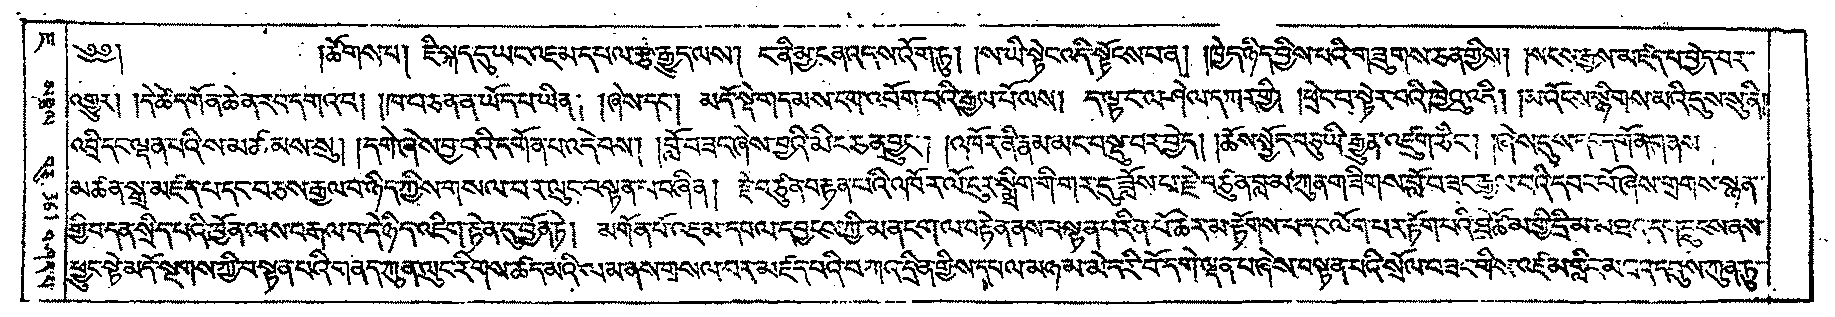༄༅། །ཚོགས་པ། ཇི་སྐད་དུ་ཡང་འཇམ་དཔལ་རྩ་རྒྱུད་ལས། ང་ནི་མྱ་ངན་འདས་འོག་ཏུ། །ས་ཡི་སྟེང་འདི་སྟོངས་པ་ན། །ཁྱེད་ཉིད་བྱིས་པའི་གཟུགས་ཅན་གྱིས། །སངས་རྒྱས་མཛད་པ་བྱེད་པར་
འགྱུར། །དེ་ཚེ་དགོན་ཆེན་རབ་དགའ་བ། །ཁ་བ་ཅན་ན་ཡོད་པ་ཡིན། །ཞེས་དང་། མདོ་སྡེ་གདམས་ངག་འབོག་པའི་རྒྱལ་པོ་ལས། ད་ལྟ་ང་ལ་ཤེལ་དཀར་གྱི། །ཕྲེང་བ་སྟེར་བའི་ཁྱེའུ་འདི། །མ་འོངས་སྙིགས་མའི་དུས་སུ་ནི།
འབྲི་དང་ལྡན་པའི་ས་མཚམས་སུ། །དགེ་ཞེས་བྱ་བའི་དགོན་པ་འདེབས། །བློ་བཟང་ཞེས་བྱའི་མིང་ཅན་བྱུང་། །འཁོར་ནི་རྣམ་མང་བསྡུ་བར་བྱེད། །ཆོས་སྤྱོད་བཅུ་ཡི་རྒྱུན་འཛུག་ཅིང་། །ཞེས་དུས་དང་དགོན་གནས་
མཚན་སྒྲ་མཛད་པ་དང་བཅས་རྒྱལ་བ་ཉིད་ཀྱིས་གསལ་བར་ལུང་བསྟན་པ་བཞིན། རྗེ་བཙུན་བརྟན་པའི་འཁོར་ལོ་ངུར་སྨྲིག་གི་གར་དུ་ཟློས་པ་རྗེ་བཙུན་བླ་མ་ཀུན་གཟིགས་བློ་བཟང་རྒྱལ་བའི་དབང་པོ་ཞེས་གྲགས་སྙན་
གྱི་བ་དན་སྲིད་པའི་ཁྱོན་ལས་བརྒལ་བ་དེ་ཉིད་འཇིག་རྟེན་དུ་བྱོན་ཏེ། མགོན་པོ་འཇམ་དཔལ་དབྱངས་ཀྱི་མན་ངག་ལ་བརྟེན་ནས་བསྟན་པ་རིན་པོ་ཆེར་མ་རྟོགས་པ་དང་ལོག་པར་རྟོག་པའི་ཐེ་ཚོམ་གྱི་དྲི་མ་མཐའ་དག་དྲུངས་ནས་
ཕྱུང་སྟེ་མདོ་སྔགས་ཀྱི་བསྟན་པའི་གནད་ཀུན་ལུང་རིགས་ཚད་མའི་ལམ་ནས་གསལ་བར་མཛད་པའི་བཀའ་དྲིན་གྱིས་དཔལ་མཉམ་མེད་རི་བོ་དགེ་ལྡན་པ་ཞེས་བསྟན་པའི་སྲོལ་བཟང་གིས་འཛམ་གླིང་མཐའ་དབུས་ཀུན་ཏུ་